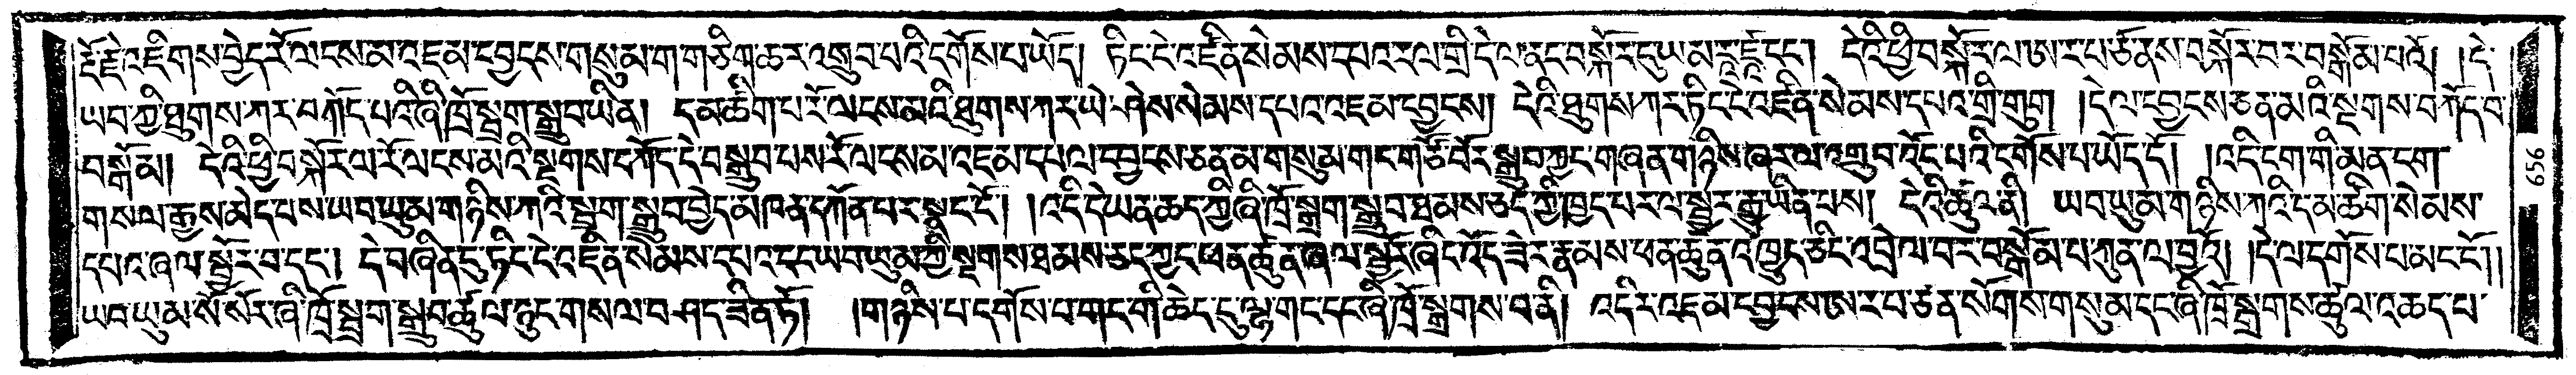རྡོ་རྗེ་འཇིགས་བྱེད་རོ་ལངས་མ་འཇམ་དབྱངས་གསུམ་ག་གཅིག་ཆར་འགྲུབ་པའི་དགོས་པ་ཡོད། ཏིང་ངེ་འཛིན་སེམས་དཔའ་རལ་གྲི་དེ་ལ་ནང་བསྐོར་དུ་ཡ་མ་རཱ་ཛཱ་དང་། དེའི་ཕྱི་བསྐོར་ལ་ཨ་ར་པ་ཙ་ནས་བསྐོར་བར་བསྒོམ་པའོ། །དེ་
ཡབ་ཀྱི་ཐུགས་ཀར་བཀོད་པའི་ཞི་ཁྲོ་སྦྲག་སྒྲུབ་ཡིན། དམ་ཚིག་པ་རོ་ལངས་མའི་ཐུགས་ཀར་ཡེ་ཤེས་སེམས་དཔའ་འཇམ་དབྱངས། དེའི་ཐུགས་ཀར་ཏིང་ངེ་འཛིན་སེམས་དཔའ་གྲི་གུག །དེ་ལ་དབྱངས་ཅན་མའི་སྔགས་བཀོད་པ་
བསྒོམ། དེའི་ཕྱི་བསྐོར་ལ་རོ་ལངས་མའི་སྔགས་བཀོད་དེ་བསྒྲུབ་པས་རོ་ལངས་མ་འཇམ་དཔལ་དབྱངས་ཅན་མ་གསུམ་གང་གཙོ་བོར་སྒྲུབ་ཀྱང་གཞན་གཉིས་ཞར་ལ་འགྲུབ་འོང་པའི་དགོས་པ་ཡོད་དོ། །འདི་དག་གི་མན་ངག་
གསལ་རྒྱས་མེད་པས་ཡབ་ཡུམ་གཉིས་ཀའི་སྦྲག་སྒྲུབ་བྱེད་མཁན་དཀོན་པར་སྣང་ངོ། །འདི་དེ་ཡན་ཆད་ཀྱི་ཞི་ཁྲོ་སྒྲག་སྒྲུབ་ཐམས་ཅད་ཀྱི་ཁྱད་པར་ལ་སྦྱར་རྒྱུ་ཡིན་པས། དེའི་ཚུལ་ནི། ཡབ་ཡུམ་གཉིས་ཀའི་དམ་ཚིག་སེམས་
དཔའ་ཞལ་སྦྱོར་བ་དང་། དེ་བཞིན་དུ་ཏིང་ངེ་འཛིན་སེམས་དཔའ་དང་ཡབ་ཡུམ་ཀྱི་སྔགས་ཐམས་ཅད་ཀྱང་ཕན་ཚུན་ཞལ་སྦྱོར་ཞིང་འོད་ཟེར་རྣམས་ཕན་ཚུན་འཁྱུད་ཅིང་འབྲེལ་བར་བསྒོམ་པ་ཀུན་ལ་བྱའོ། །དེ་ལ་དགོས་པ་མང་ངོ།།
ཡབ་ཡུམ་སོ་སོར་ཞི་ཁྲོ་སྦྲག་སྒྲུབ་ཚུལ་ཉུང་གསལ་བཤད་ཟིན་ཏོ། །གཉིས་པ་དགོས་པ་གང་གི་ཆེད་དུ་ལྷ་གང་དང་ཞི་ཁྲོ་སྒྲགས་བ་ནི། འདིར་འཇམ་དབྱངས་ཨ་ར་པ་ཙན་སོགས་གསུམ་དང་ཞི་ཁྲོ་སྒྲགས་ཚུལ་འཆད་པ་